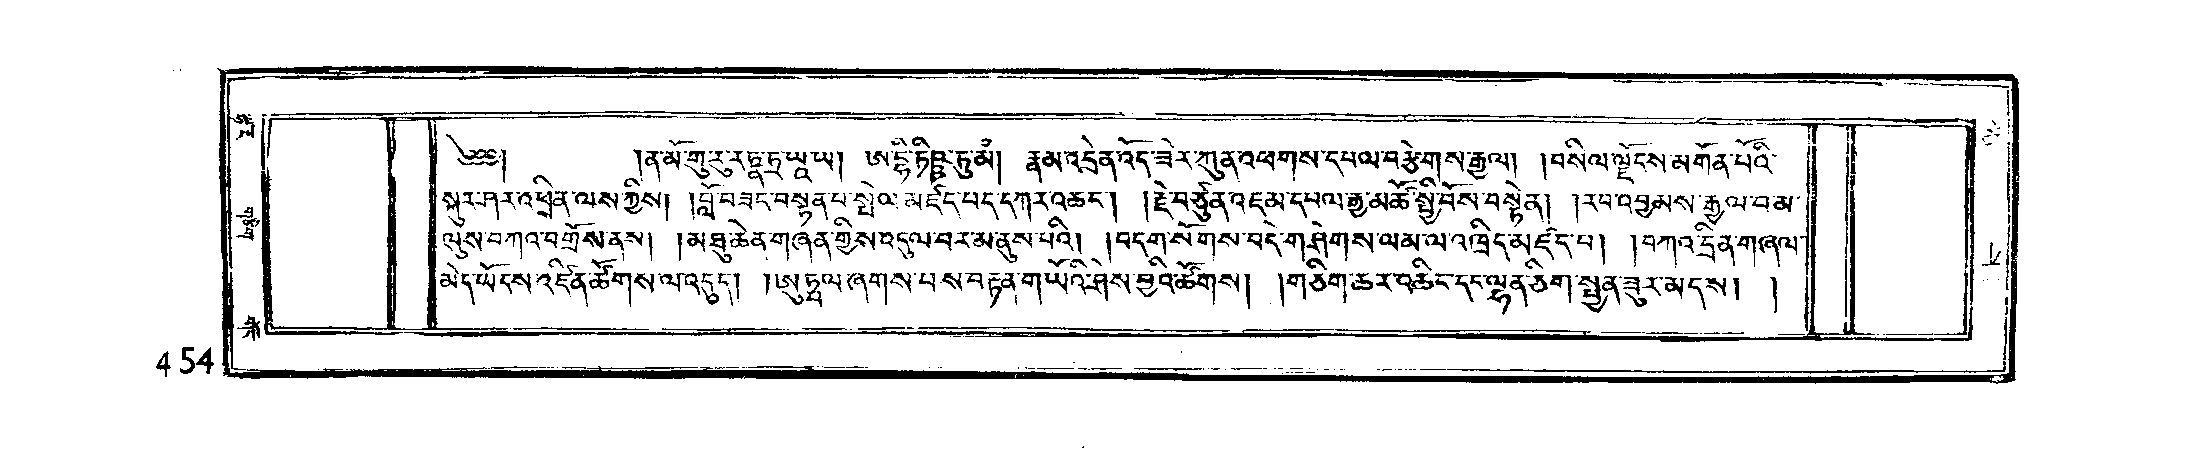༄༅༅། །ན་མོ་གུ་རུ་རཏྣ་ཏྲ་ཡཱ་ཡ། ཨ་དྷི་ཏིཥཊཿཨ་ཏུ་མཾ། རྣམ་འདྲེན་འོད་ཟེར་ཀུན་འཕགས་དཔལ་བརྩེགས་རྒྱལ། །བསིལ་ལྗོངས་མགོན་པོའི་
སྐུར་ཤར་འཕྲིན་ལས་ཀྱིས། །བློ་བཟང་བསྟན་པ་སྤེལ་མཛད་པད་དཀར་འཆང་། །རྗེ་བཙུན་འཇམ་དཔལ་རྒྱ་མཚོ་སྤྱི་བོས་བསྟེན། །རབ་འབྱམས་རྒྱལ་བ་མ་
ལུས་བཀའ་བགྲོས་ནས། །མཐུ་ཆེན་གཞན་གྱིས་འདུལ་བར་མ་ནུས་པའི། །བདག་སོགས་བདེ་གཤེགས་ལམ་ལ་འཁྲིད་མཛད་པ། །བཀའ་དྲིན་གཞལ་
མེད་ཡོངས་འཛིན་ཚོགས་ལ་འདུད། །ཨུཏྤ་ལ་ཞགས་པས་བརྟན་གཡོའི་ཤེས་བྱའི་ཚོགས། །གཅིག་ཆར་འཆིང་དང་ལྷན་ཅིག་སྤྱན་ཟུར་མདས། །